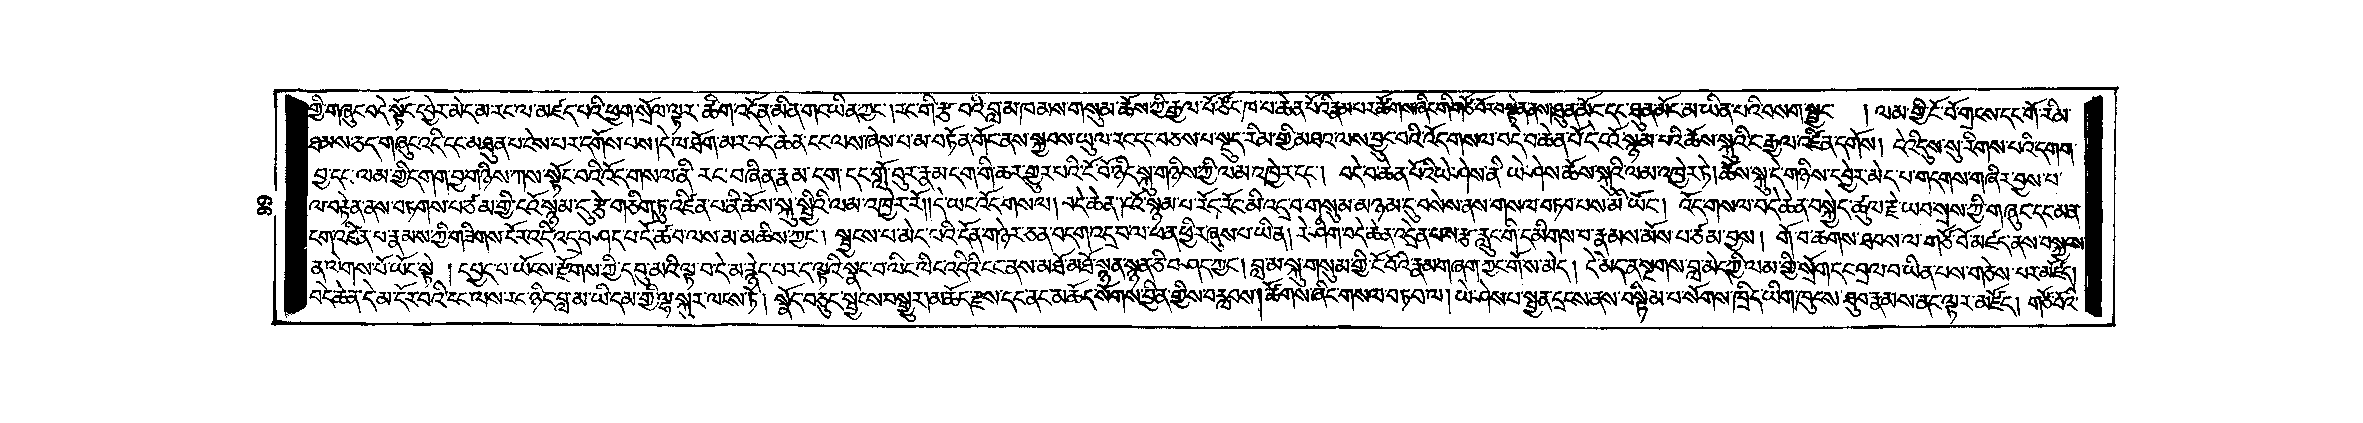གྱི་གཞུང་བདེ་སྟོང་དབྱེར་མེད་མ་རང་ལ་མཛད་པའི་ཕྱག་སྲོལ་ལྟར་ཚིག་འདོན་མིན་གང་ཡིན་ཀྱང་། རང་གི་རྩ་བའི་བླ་མ་ཁམས་གསུམ་ཆོས་ཀྱི་རྒྱལ་པོ་ཙོང་ཁ་པ་ཆེན་པོའི་རྣམ་པར་ཚོགས་ཞིང་གི་གཙོ་བོར་བསྟེན་ནས། ཐུན་མོང་དང་ཐུན་མོང་མ་ཡིན་པའི་བསག་སྦྱང་། ལམ་གྱི་ངོ་བོ་གྲངས་དང་གོ་རིམ་
ཐམས་ཅད་གཞུང་འདི་དང་མཐུན་པ་ངེས་པར་དགོས་པས། དེ་ལ་ཐོག་མར་བདེ་ཆེན་ངང་ལས་ཞེས་པ་མ་བཏོན་གོང་ནས་སྐྱབས་ཡུལ་རང་དང་བཅས་པ་སྡུད་རིམ་གྱི་མཐའ་ལས་བྱུང་བའི་འོད་གསལ་བདེ་བ་ཆེན་པོ་དེ་ངའོ་སྙམ་པའི་ཆོས་སྐུའི་ང་རྒྱལ་འཛིན་དགོས། དེའི་དུས་སུ་རིགས་པའི་དགག་
བྱ་དང་ལམ་གྱི་དགག་བྱ་གཉིས་ཀས་སྟོང་པའི་འོད་གསལ་ནི་རང་བཞིན་རྣམ་དག་དང་གློ་བུར་རྣམ་དག་གི་ཆར་གྱུར་པའི་ངོ་བོ་ཉིད་སྐུ་གཉིས་ཀྱི་ལམ་འཁྱེར་དང་། བདེ་བ་ཆེན་པོའི་ཡེ་ཤེས་ནི་ཡེ་ཤེས་ཆོས་སྐུའི་ལམ་འཁྱེར་ཏེ། ཆོས་སྐུ་དེ་གཉིས་དབྱེར་མེད་པ་གདགས་གཞིར་བྱས་པ་
ལ་བརྟེན་ནས་བཏགས་པ་ཙམ་གྱི་ངའོ་སྙམ་དུ་རྩེ་གཅིག་ཏུ་འཛིན་པ་ནི་ཆོས་སྐུ་སྤྱིའི་ལམ་འཁྱེར་རོ། །དེ་ཡང་འོད་གསལ། བདེ་ཆེན། ངའོ་སྙམ་པ་རོང་རོང་མི་འདྲ་བ་གསུམ་མཉམ་དུ་བསེས་ནས་གསལ་བཏབ་པས་མི་ཡོང་། འོད་གསལ་བདེ་ཆེན་བསྐྱེད་ཚུལ་རྗེ་ཡབ་སྲས་ཀྱི་གཞུང་དང་མན་
ངག་འཛིན་པ་རྣམས་ཀྱི་གཟིགས་ངོར་འདི་འདྲ་བཤད་པ་དོ་ཚབ་ལས་མ་མཆིས་ཀྱང་། སྦྱངས་པ་མེད་པའི་དོན་གཉེར་ཅན་བདག་འདྲ་བ་ལ་ཕན་ཕྱིར་ཞུས་པ་ཡིན། རེ་ཤིག་བདེ་ཆེན་འདྲེན་པས་རྩ་རླུང་གི་དམིགས་པ་རྣམས་མོས་པ་ཙམ་བྱས། གོ་བ་ཆགས་ཐབས་ལ་གཙོ་བོ་མཛད་ནས་བསྐྱངས་
ན་ལེགས་པོ་ཡོང་སྟེ། དཔྱད་པ་ཡོངས་རྫོགས་ཀྱི་དབུ་མའི་ལྟ་བ་དེ་མ་རྙེད་པར་ད་ལྟའི་སྣང་བ་ལིང་ལིང་འདིའི་ངང་ནས་མཐོ་མཐོ་སྙན་སྙན་ཅི་བཤད་ཀྱང་། བླ་མ་སྐུ་གསུམ་གྱི་ངོ་བོའི་རྣམ་གཞག་ཀྱང་གོ་ས་མེད། དེ་མེད་ན་སྔགས་བླ་མེད་ཀྱི་ལམ་གྱི་སྲོག་དང་བྲལ་བ་ཡིན་པས་གཅེས་པར་མཛོད།
བདེ་ཆེན་དེ་མ་དོར་བའི་ངང་ལས་རང་ཉིད་བླ་མ་ཡི་དམ་གྱི་ལྷ་སྐུར་ལངས་ཏེ། སྣོད་བཅུད་སྦྱངས་བསྒྱུར། མཆོད་རྫས་དང་ནང་མཆོད་སོགས་བྱིན་གྱིས་བརླབས། ཚོགས་ཞིང་གསལ་བཏབ་ལ། ཡེ་ཤེས་པ་སྤྱན་དྲངས་ནས་བསྟིམ་པ་སོགས་ཁྲིད་ཡིག་ཁུངས་ཐུབ་རྣམས་ནང་ལྟར་མཛོད། གཙོ་བོའི་